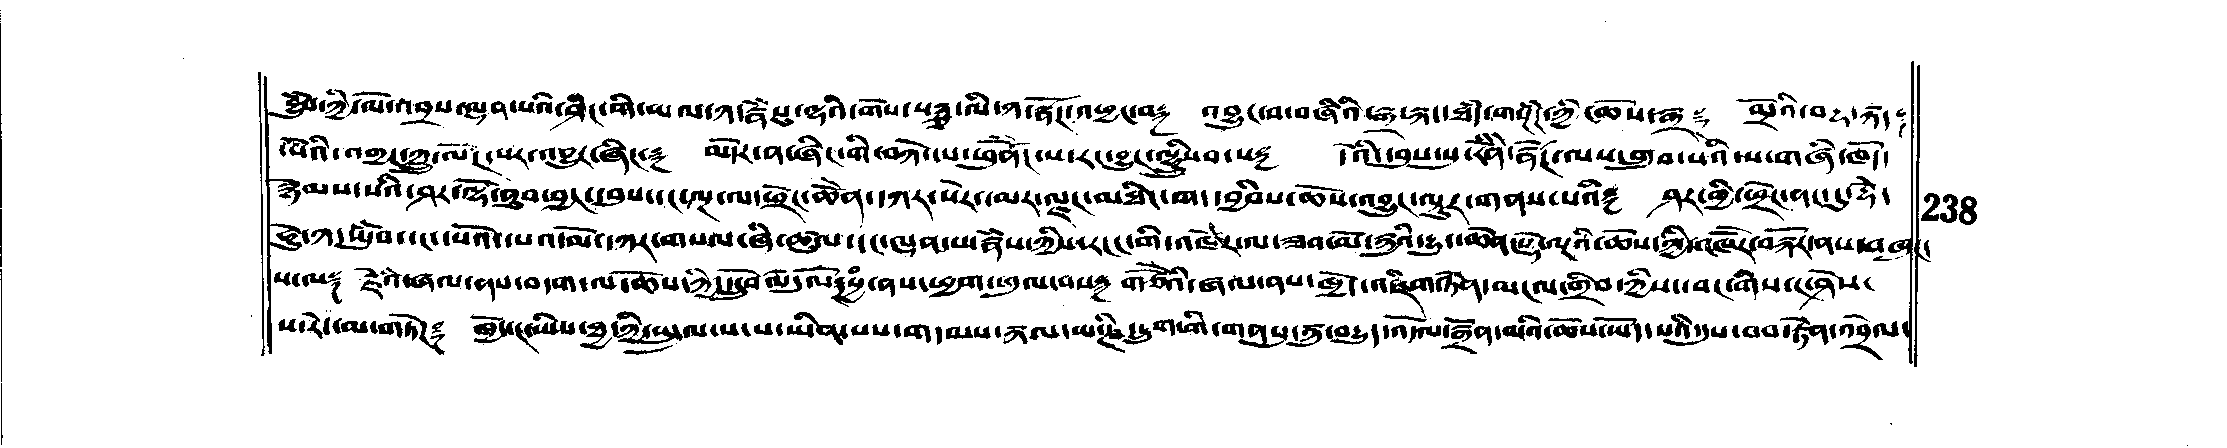བྱང་ཆུབ་ཀྱི་ལོ་འབྲས་ལྡན་པའི་ཤིང་གི་ཡལ་ག་རྣམས་སུ་ལྷའི་གོས་པཉྩ་ལི་ཀ་སྣ་ཚོགས་འཕྱང་བ། འབྱུང་བ་བཞིའི་སྒྲ་སྐད་ཐམས་ཅད་གསང་སྔགས་ཀྱི་ཆོས་སྒྲ། མཁའ་འགྲོའི་བརྡ་སྐད།
དཔའ་བོའི་འགྱང་ཀླུ་ལེགས་པར་འབྱུང་ཞིང་། མདོར་ན་ཞིང་གི་བཀོད་པ་ཕུན་སུམ་ཚོགས་པ་རང་བྱུང་ལྷུན་གྱིས་གྲུབ་པ། དེའི་དབུས་སུ་རིན་པོ་ཆེ་སྣ་ཚོགས་ལས་གྲུབ་པའི་ས་གཞི་ཁོད་
སྙོམས་པའི་ཤར་ལྷོ་ནུབ་བྱང་དབུས་དང་ལྔ་ལ་ཕོ་བྲང་ཆེན་པོ་དཀར་སེར་དམར་ལྗང་མཐིང་ག་དབྱིབས་ཆོས་འབྱུང་ལྟ་བུར་གནས་པའི། ཤར་གྱི་ཕོ་བྲང་ནང་དུ་རྡོ་རྗེ་
ཧེ་རུ་ཀ་ཡབ་ཡུམ་དང་དཔའ་བོ་དཔའ་མོ་དཀར་གསལ་ཞི་ཚུལ་དང་ལྡན་པ་རྣམས་ཀྱིས་རང་རང་གི་འཁོར་ལ་ཟབ་མོ་སྐུའི་རྒྱུད་ཆེན་སྡེ་ལྔའི་ཆོས་ཀྱི་འཁོར་ལོར་སྐོར་ནས་བཞུགས་
པ་ལ། རྗེའི་ཞལ་ནས་བདག་ལ་ཆོས་ཀྱི་དངོས་གྲུབ་བསྩལ་དུ་གསོལ། གསུང་ནས་ཕྱག་ཕུལ་བས། གཙོ་བོའི་ཞལ་ནས་ཁྱོད་འཇིག་རྟེན་མངལ་གྲིབ་ཀྱིས་དབང་གིས་ངོ་མ་ཤེས་
པ་རེད་མ་གཏོགས། ཁྱོད་ང་ཡིས་ཐུགས་ཀྱི་སྤྲུལ་པ་ཡིན་པས་གདམས་སྐལ་མ་ཎི་དྲུག་གི་གནས་སུ་སྐུ་རྒྱུད་འོད་གསལ་སྒྲོན་མའི་ཆོས་ཡོད་པའི་དུས་བབ་རྟེན་འབྲེལ་